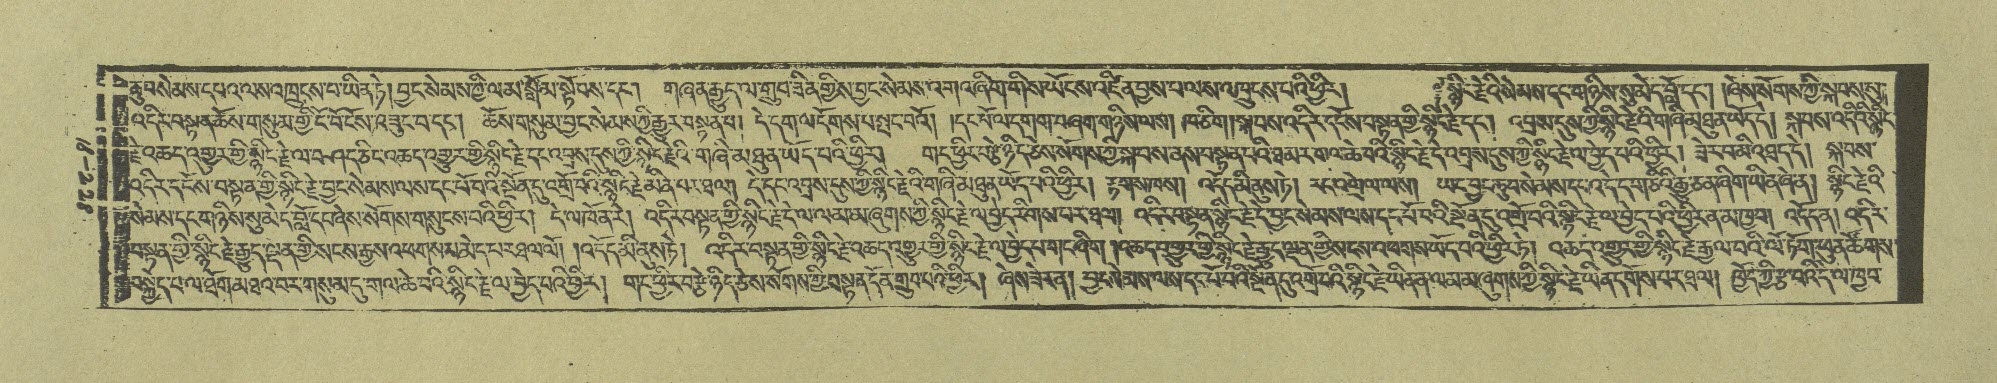ཆུབ་སེམས་དཔའ་ལས་འཁྲུངས་པ་ཡིན་ཏེ། བྱང་སེམས་ཀྱི་ལམ་སྒོམ་སྟོབས་དང་། གཞན་རྒྱུད་ལ་གྲུབ་ཟིན་གྱིས་བྱང་སེམས་འགའ་ཞིག་གིས་ཡོངས་འཛིན་བྱས་པ་ལས་འཁྲུངས་པའི་ཕྱིར། ༈ སྙིང་རྗེའི་སེམས་དང་གཉིས་སུ་མེད་བློ་དང་། །ཞེས་སོགས་ཀྱི་སྐབས་སུ་
འདིར་བསྟན་ཆོས་གསུམ་གྱི་ངོ་བོ་ངོས་བཟུང་བ་དང་། ཆོས་གསུམ་བྱང་སེམས་ཀྱི་རྒྱུར་བསྟན་པ། དེ་དག་ལ་དོགས་པ་སྤང་བའོ། །དང་པོ་ལ་དགག་བཞག་གཉིས་ལས། ཁ་ཅིག །སྐབས་འདིར་དངོས་བསྟན་གྱི་སྙིང་རྗེ་དང་། འབྲས་དུས་ཀྱི་སྙིང་རྗེའི་གཞི་མཐུན་ཡོད་དོ། སྐབས་འདིའི་སྙིང་
རྗེ་འཆད་འགྱུར་གྱི་སྙིང་རྗེ་ལ་བཤད་ཅིང་འཆད་འགྱུར་གྱི་སྙིང་རྗེ་དང་འབྲས་དུས་ཀྱི་སྙིང་རྗེའི་གཞི་མཐུན་ཡོད་པའི་ཕྱིར། གང་ཕྱིར་བརྩེ་ཉིད་ཅེས་སོགས་ཀྱི་སྐབས་ནས་བསྟན་པའི་ཐ་མར་གལ་ཆེ་བའི་སྙིང་རྗེ་དེ་འབྲས་དུས་ཀྱི་སྙིང་རྗེ་ལ་བྱེད་པའི་ཕྱིར། ཟེར་བ་མི་འཐད་དེ། སྐབས་
འདིར་དངོས་བསྟན་གྱི་སྙིང་རྗེ་བྱང་སེམས་ལས་དང་པོ་བའི་སྔོན་དུ་འགྲོ་བའི་སྙིང་རྗེ་མིན་པར་ཐལ། དེ་དང་འབྲས་དུས་ཀྱི་སྙིང་རྗེའི་གཞི་མཐུན་ཡོད་པའི་ཕྱིར། རྟགས་ཁས། འདོད་མི་ནུས་ཏེ། རང་འགྲེལ་ལས། ཡང་བྱང་ཆུབ་སེམས་དཔའ་དེ་དག་ཅིའི་རྒྱུ་ཅན་ཞིག་ཡིན་ཞེ་ན། སྙིང་རྗེའི་
སེམས་དང་གཉིས་སུ་མེད་བློ་དང་ཞེས་སོགས་གསུངས་པའི་ཕྱིར། དེ་ལ་ཁོ་ན་རེ། འདིར་བསྟན་གྱི་སྙིང་རྗེ་དེ་ལ་ལམ་མ་ཞུགས་ཀྱི་སྙིང་རྗེ་ལ་བྱེད་རིགས་པར་ཐལ། འདིར་བསྟན་སྙིང་རྗེ་དེ་བྱང་སེམས་ལས་དང་པོ་བའི་སྔོན་དུ་འགྲོ་བའི་སྙིང་རྗེ་ལ་བྱེད་པའི་ཕྱིར་ན་མ་ཁྱབ། འདོད་ན། འདིར་
བསྟན་གྱི་སྙིང་རྗེ་རྒྱུད་ལྡན་གྱི་སངས་རྒྱས་འཕགས་པ་མེད་པར་ཐལ་ལོ། །འདོད་མི་ནུས་ཏེ། འདིར་བསྟན་གྱི་སྙིང་རྗེ་འཆད་འགྱུར་གྱི་སྙིང་རྗེ་ལ་བྱེད་པ་གང་ཞིག །འཆད་འགྱུར་གྱི་སྙིང་རྗེ་རྒྱུད་ལྡན་གྱི་སངས་འཕགས་ཡོད་པའི་ཕྱིར་ཏེ། འཆད་འགྱུར་གྱི་སྙིང་རྗེ་རྒྱལ་བའི་ལོ་ཏོག་ཕུན་ཚོགས་
བསྐྱེད་པ་ལ་ཐོག་མཐའ་བར་གསུམ་དུ་གལ་ཆེ་བའི་སྙིང་རྗེ་ལ་བྱེད་པའི་ཕྱིར། གང་ཕྱིར་བརྩེ་ཉིད་ཅེས་སོགས་ཀྱི་བསྟན་དོན་གྲུབ་པའི་ཕྱིར། ཞེས་ཟེར་ན། བྱང་སེམས་ལས་དང་པོ་བའི་སྔོན་དུ་འགྲོ་བའི་སྙིང་རྗེ་ཡིན་ན་ལམ་མ་ཞུགས་ཀྱི་སྙིང་རྗེ་ཡིན་དགོས་པར་ཐལ། ཁྱོད་ཀྱི་རྩ་བའི་དེ་ལ་ཁྱབ་